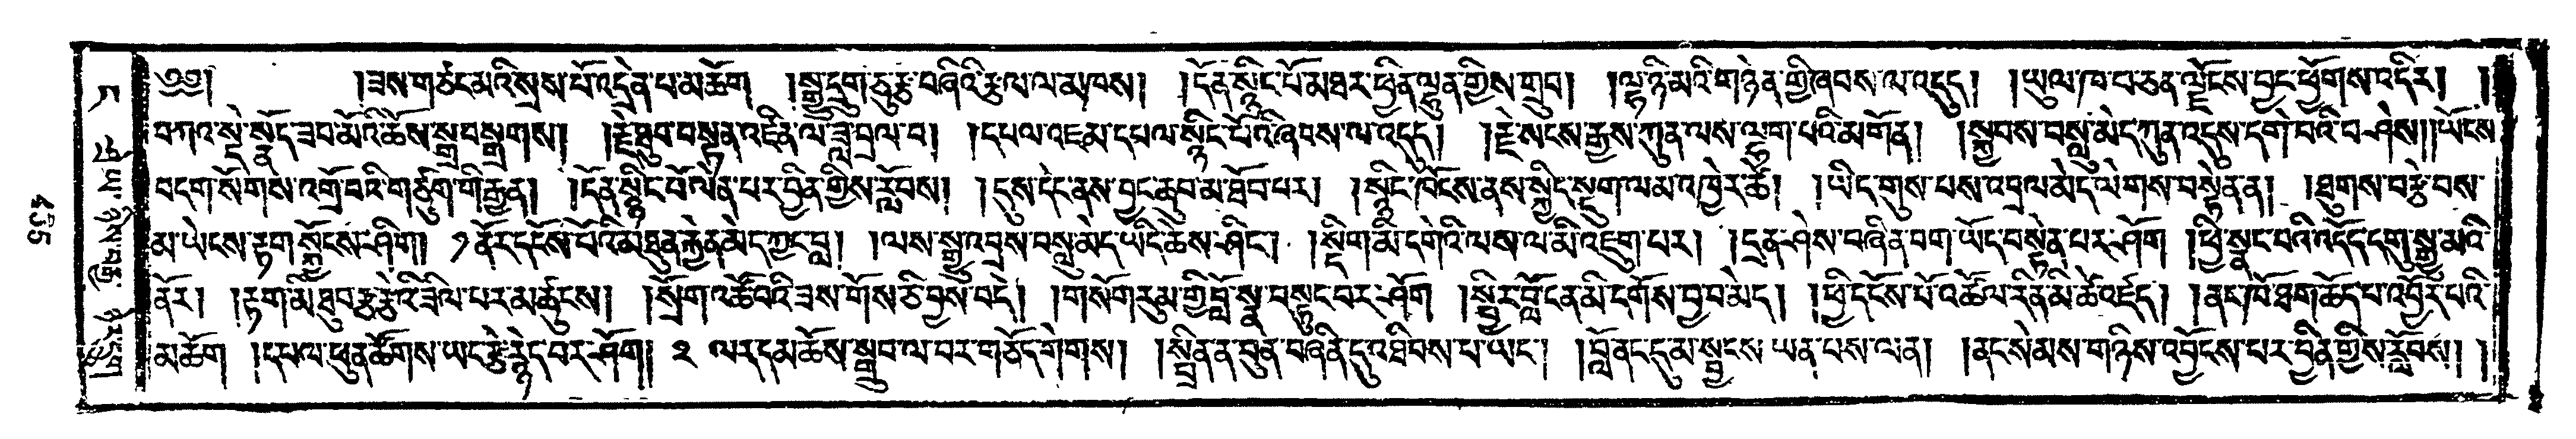༄༅། །ཟས་གཙང་མའི་སྲས་པོ་འདྲེན་པ་མཆོག །སྒྱུ་དྲུག་ཅུ་རྩ་བཞིའི་རྩ་ལ་ལ་མཁས། །དོན་སྙིང་པོ་མཐར་ཕྱིན་ལྷུན་གྱིས་གྲུབ། །ལྷ་ཉི་མའི་གཉེན་གྱི་ཞབས་ལ་འདུད། །ཡུལ་ཁ་བ་ཅན་ལྗོངས་བྱང་ཕྱོགས་འདིར། །
བཀའ་སྡེ་སྣོད་ཟབ་མོའི་ཆོས་སྒྲ་བསྒྲགས། །རྗེ་ཐུབ་བསྟན་འཛིན་ལ་ཟླ་བྲལ་བ། །དཔལ་འཇམ་དཔལ་སྙིང་པོའི་ཞབས་ལ་འདུད། །རྗེ་སངས་རྒྱས་ཀུན་ལས་ལྷག་པའི་མགོན། །སྐྱབས་བསླུ་མེད་ཀུན་འདུས་དགེ་བའི་བཤེས། །ཡོངས་
བདག་སོགས་འགྲོ་བའི་གཙུག་གི་རྒྱན། །དོན་སྙིང་པོ་ལེན་པར་བྱིན་གྱིས་རློབས། །དུས་དེང་ནས་བྱང་ཆུབ་མ་ཐོབ་པར། །སྙིང་ཁོངས་ནས་སྐྱིད་སྡུག་ལམ་འཁྱེར་ཚེ། །ཡིད་གུས་པས་འབྲལ་མེད་ལེགས་བསྟེན་ན། །ཐུགས་རྩེ་བས་
མ་ཡེངས་རྟག་སྐྱོངས་ཤིག ༈ ནོར་དངོས་པོའི་མཐུན་རྐྱེན་མེད་ཀྱང་བླ་མ། ལས་སྒྲུབ་འབྲས་བསླུ་མེད་ཡིད་ཆེས་ཤིང་། །སྡིག་མི་དགེའི་ལས་ལ་མི་འཇུག་པར། །དྲན་ཤེས་བཞིན་བག་ཡོད་བསྟེན་པར་ཤོག། །ཕྱི་སྣང་བའི་འདོད་དགུ་སྒྱུ་མའི་
ནོར། །རྟག་མི་ཐུབ་རྩ་རྩེའི་ཟིལ་པར་མཚུངས། །སྲོག་འཚོ་བའི་ཟས་གོས་ཅི་བྱས་བདེ། །གསོག་རུམ་གྱི་བློ་སྣ་བསྟུང་བར་ཤོག །སྤྱིར་བློ་ངན་མི་དགོས་བྱ་བ་མེད། །ཕྱི་དངོས་པོ་འཚེལ་རིན་མི་ཚེ་འཛད། །ནང་ཁོ་ཐག་ཆོད་པ་འབྱོར་པའི་
མཆོག །དཔལ་ཕུན་ཚོགས་ཡང་རྩེ་རྙེད་བར་ཤོག།། ༈ ལར་དམ་ཆོས་སྒྲུབ་ལ་བར་གཅོད་གེགས། །སྦྲིན་ན་བུན་ཞིན་དུ་འཐིབས་པ་ཡོང་། །བློ་ནང་དུ་མ་སྦྱངས་ཡན་པས་ལན། །ནང་སེམས་གཉིས་འབྱོངས་པར་བྱིན་གྱིས་རློབས།།